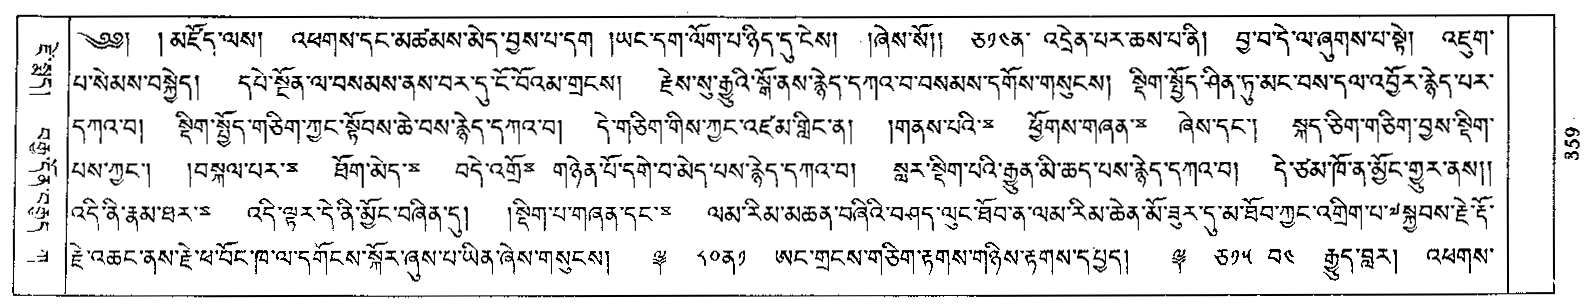༄༅། །མཛོད་ལས། འཕགས་དང་མཚམས་མེད་བྱས་པ་དག །ཡང་དག་ལོག་པ་ཉིད་དུ་ངེས། །ཞེས་སོ།། ཅ ༡༤་ན་འདྲེན་པར་ཆས་པ་ནི། བྱ་བ་དེ་ལ་ཞུགས་པ་སྟེ། འཇུག་
པ་སེམས་བསྐྱེད། དཔེ་སྔོན་ལ་བསམས་ནས་བར་དུ་ངོ་བོའམ་གྲངས། རྗེས་སུ་རྒྱུའི་སྒོ་ནས་རྙེད་དཀའ་བ་བསམས་དགོས་གསུངས། སྡིག་སྤྱོད་ཤིན་ཏུ་མང་བས་དལ་འབྱོར་རྙེད་པར་
དཀའ་བ། སྡིག་སྤྱོད་གཅིག་ཀྱང་སྟོབས་ཆེ་བས་རྙེད་དཀའ་བ། དེ་གཅིག་གིས་ཀྱང་འཛམ་གླིང་ན། །གནས་པའི་྾་ཕྱོགས་གཞན་྾་ཞེས་དང་། སྐད་ཅིག་གཅིག་བྱས་སྡིག་
པས་ཀྱང་། །བསྐལ་པར་྾་ཐོག་མེད་྾་བདེ་འགྲོ་྾་གཉེན་པོ་དགེ་བ་མེད་པས་རྙེད་དཀའ་བ། སླར་སྡིག་པའི་རྒྱུན་མི་ཆད་པས་རྙེད་དཀའ་བ། དེ་ཙམ་ཁོ་ན་མྱོང་གྱུར་ནས།།
འདི་ནི་རྣམ་ཐར་྾་འདི་ལྟར་དེ་ནི་མྱོང་བཞིན་དུ། །སྡིག་པ་གཞན་དང་྾་ལམ་རིམ་མཆན་བཞིའི་བཤད་ལུང་ཐོབ་ན་ལམ་རིམ་ཆེན་མོ་ཟུར་དུ་མ་ཐོབ་ཀྱང་འགྲིག་པ་༧་སྐྱབས་རྗེ་རྡོ་
རྗེ་འཆང་ནས་རྗེ་ཕ་བོང་ཁ་ལ་དགོངས་སྐོར་ཞུས་པ་ཡིན་ཞེས་གསུངས། ༈ ༨༠་ན ༡་ཨང་གྲངས་གཅིག་རྟགས་གཉིས་རྟགས་དཔྱད། ༈ ཅ ༡༥་བ ༤་རྒྱུད་བླར། འཕགས་